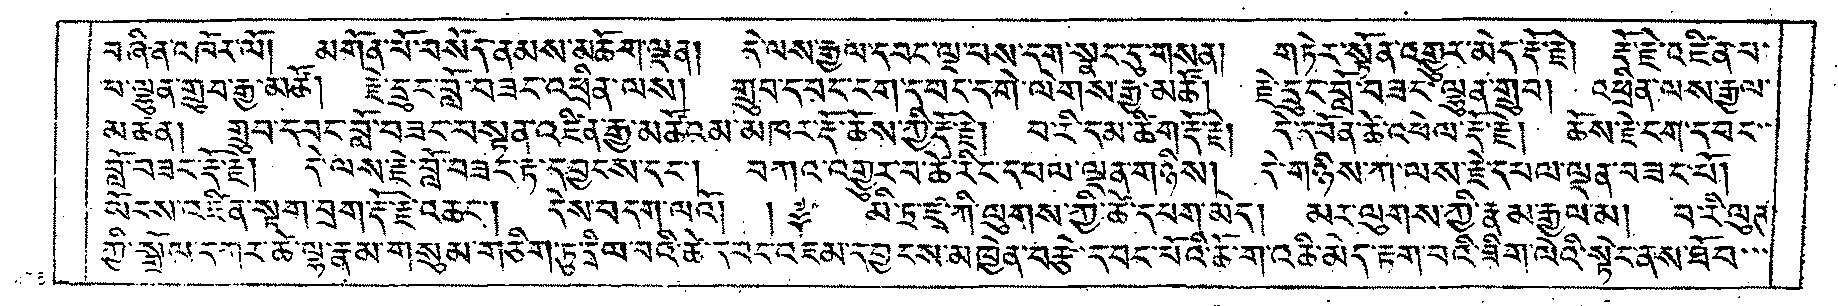བཞིན་འཁོར་ལོ། མགོན་པོ་བསོད་ནམས་མཆོག་ལྡན། དེ་ལས་རྒྱལ་དབང་ལྔ་པས་དག་སྣང་དུ་གསན། གཏེར་སྟོན་འགྱུར་མེད་རྡོ་རྗེ། རྡོ་རྗེ་འཛིན་པ་
པ་ལྷུན་གྲུབ་རྒྱ་མཚོ། རྗེ་དྲུང་བློ་བཟང་འཕྲིན་ལས། གྲུབ་དབང་ངག་དབང་དགེ་ལེགས་རྒྱ་མཚོ། རྗེ་དྲུང་བློ་བཟང་ལྷུན་གྲུབ། འཕྲིན་ལས་རྒྱལ་
མཚན། གྲུབ་དབང་བློ་བཟང་བསྟན་འཛིན་རྒྱ་མཚོའམ་མཁར་རྡོ་ཆོས་ཀྱི་རྡོ་རྗེ། བ་རི་དམ་ཚིག་རྡོ་རྗེ། དེ་དབོན་ཚེ་འཕེལ་རྡོ་རྗེ། ཆོས་རྗེ་ངག་དབང་
བློ་བཟང་རྡོ་རྗེ། དེ་ལས་རྗེ་བློ་བཟང་རྟ་དབྱངས་དང་། བཀའ་འགྱུར་བ་ཚེ་རིང་དཔལ་ལྡན་གཉིས། དེ་གཉིས་ཀ་ལས་རྗེ་དཔལ་ལྡན་བཟང་པོ།
ཡོངས་འཛིན་སྟག་བྲག་རྡོ་རྗེ་འཆང་། དེས་བདག་ལའོ། ། ༈ མི་ཏྲ་ཛྭ་ཀི་ལུགས་ཀྱི་ཚེ་དཔག་མེད། མར་ལུགས་ཀྱི་རྣམ་རྒྱལ་མ། བ་རི་ལུགས་
ཀྱི་སྒྲོལ་དཀར་ཚེ་ལྷ་རྣམ་གསུམ་གཅིག་ཏུ་དྲིལ་བའི་ཚེ་དབང་འཇམ་དབྱངས་མཁྱེན་བརྩེ་དབང་པོའི་ཆོ་ག་འཆི་མེད་རྟག་པའི་ཐིག་ལེའི་སྟེང་ནས་ཐོབ་